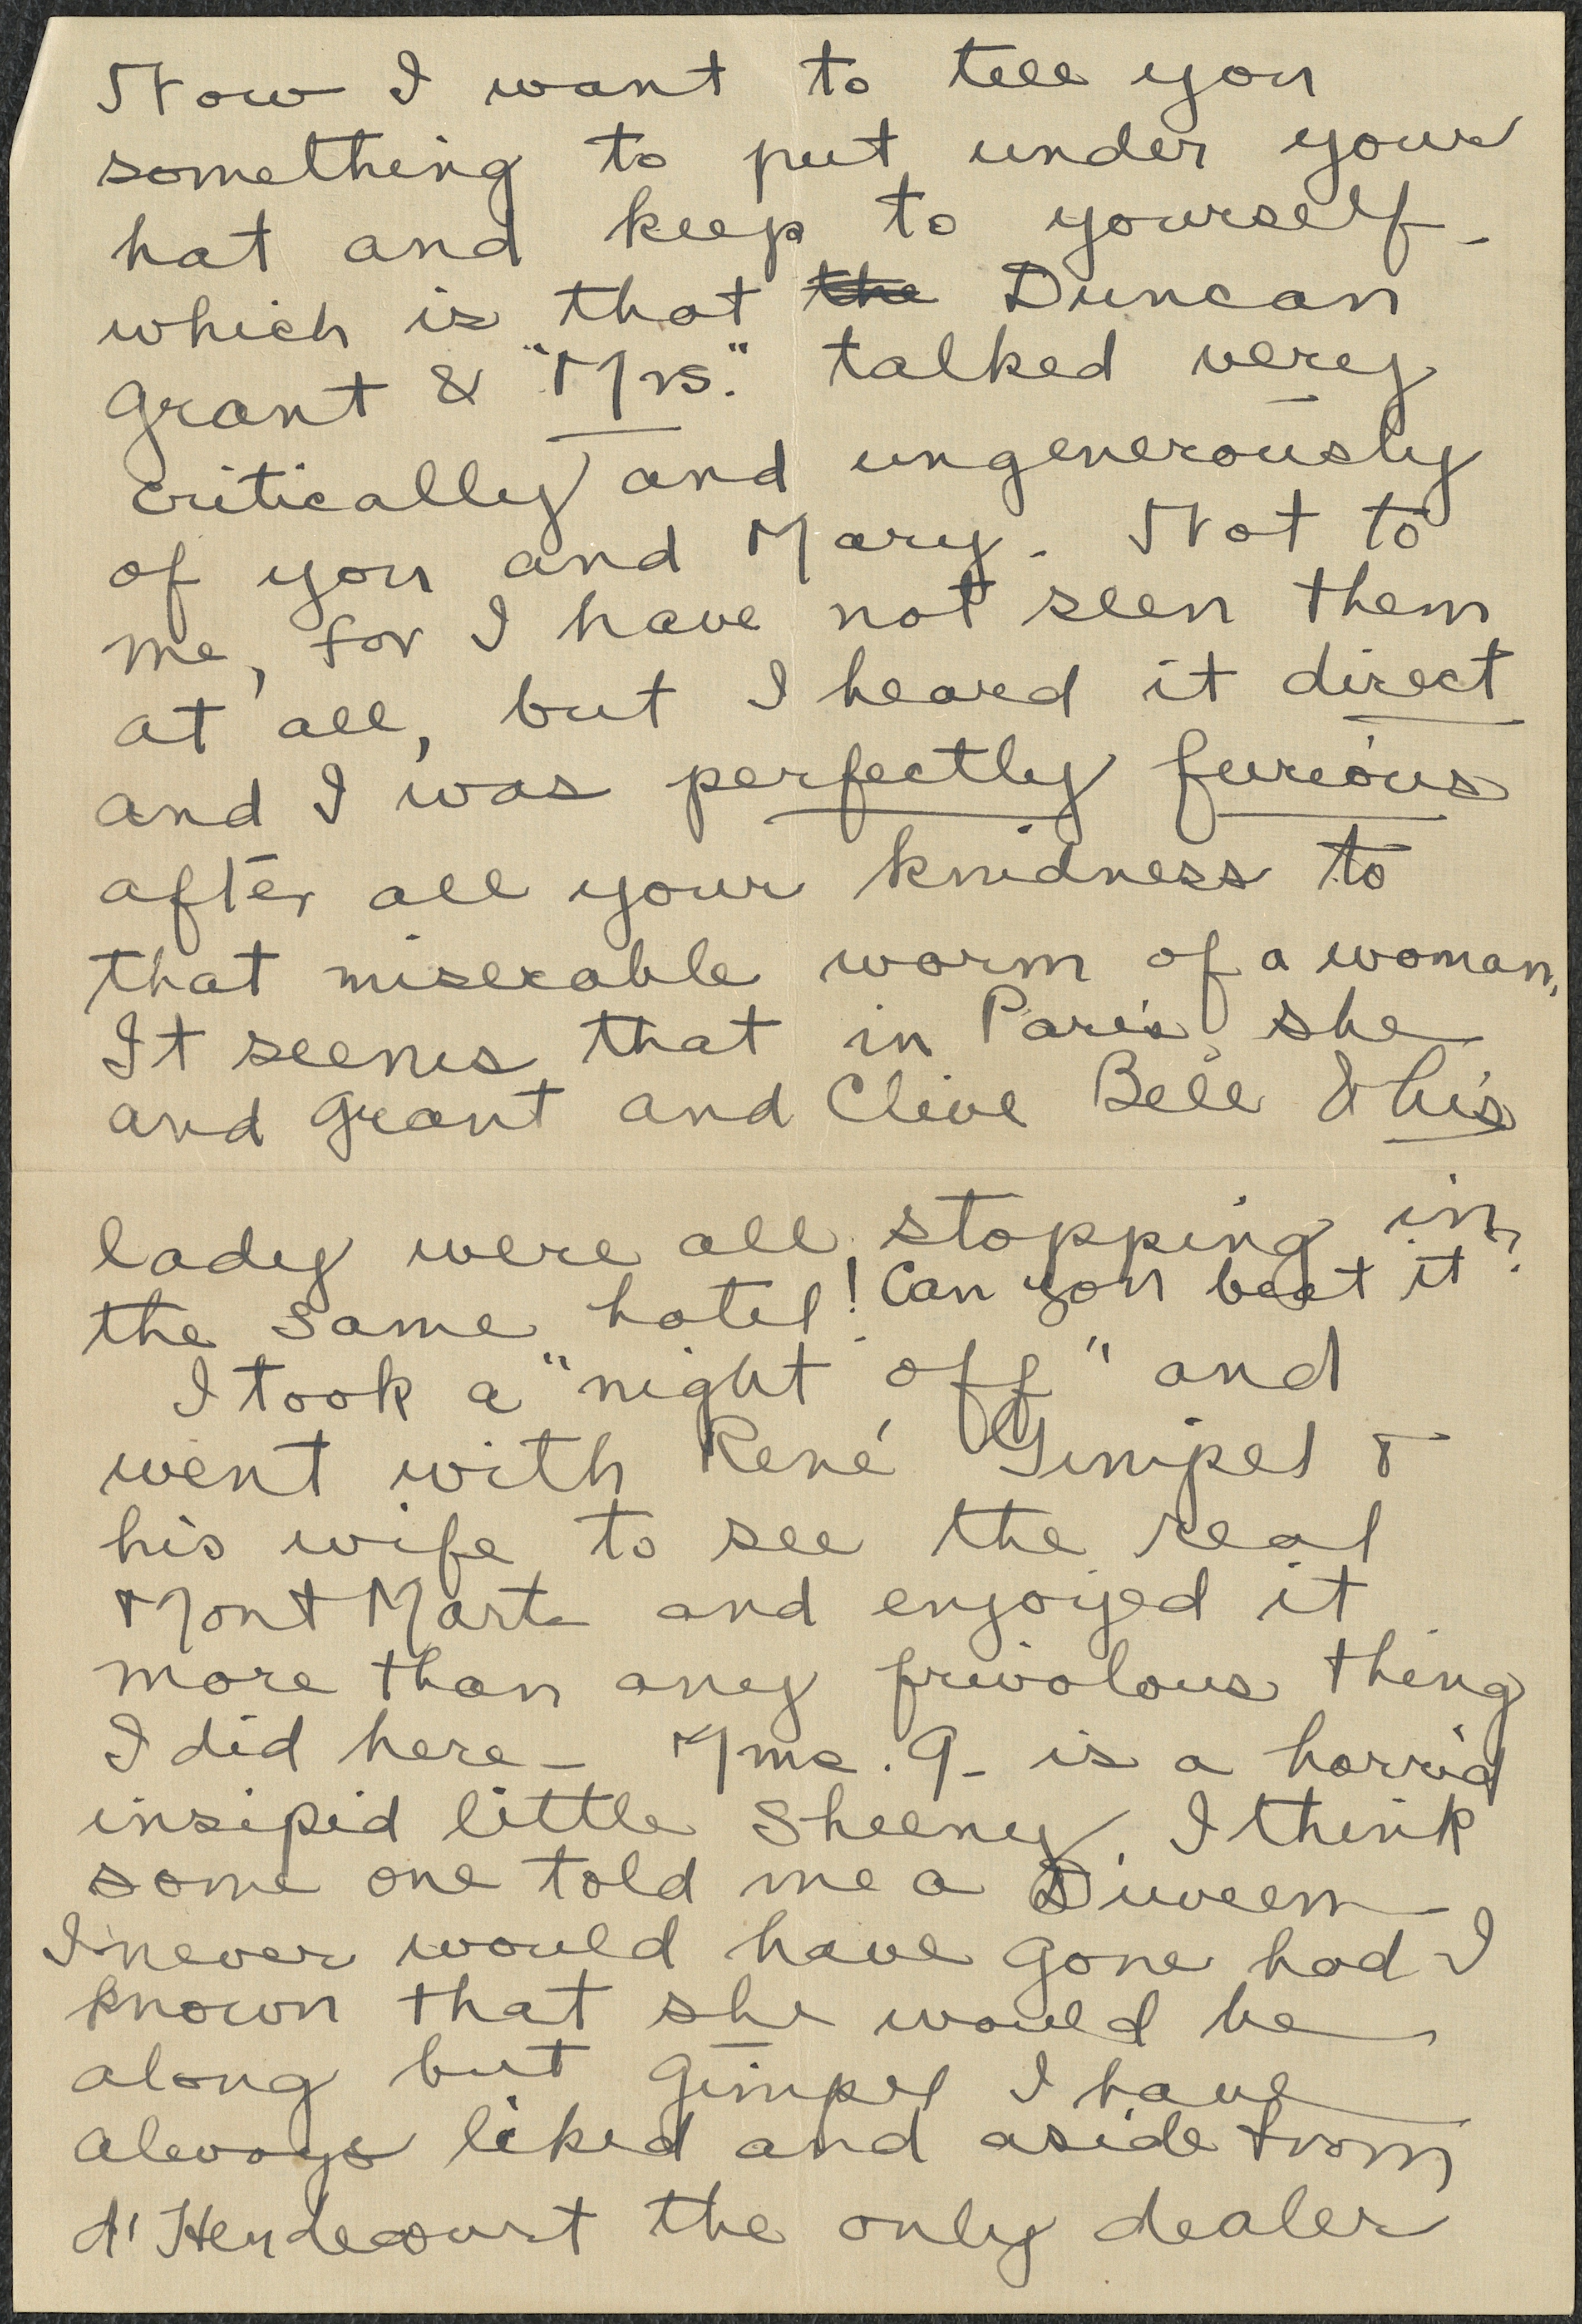Now I want to tell you something to put under your hat and keep to yourself – which is that the Duncan Grant & “Mrs.” talked very critically and ungenerously of you and Mary. Not to me, for I have not seen them at all, but I heard it direct and I was perfectly furious after all your kindness to that miserable worm of a woman. It seems that in Paris, she and Grant and Clive Belle & his lady were all stopping in the same hotel! Can you beat it?
I took a “night off” and went with René Gimpel and his wife to see the real Mont Martre and enjoyed it more than any frivolous thing I did here – Mme. G – is a horrid insipid little sheeny. I think someone told me a [sic] Duveen I never would have gone had I known that she would be along but Gimpel I have always liked and aside from d'Hendecourt the only dealer